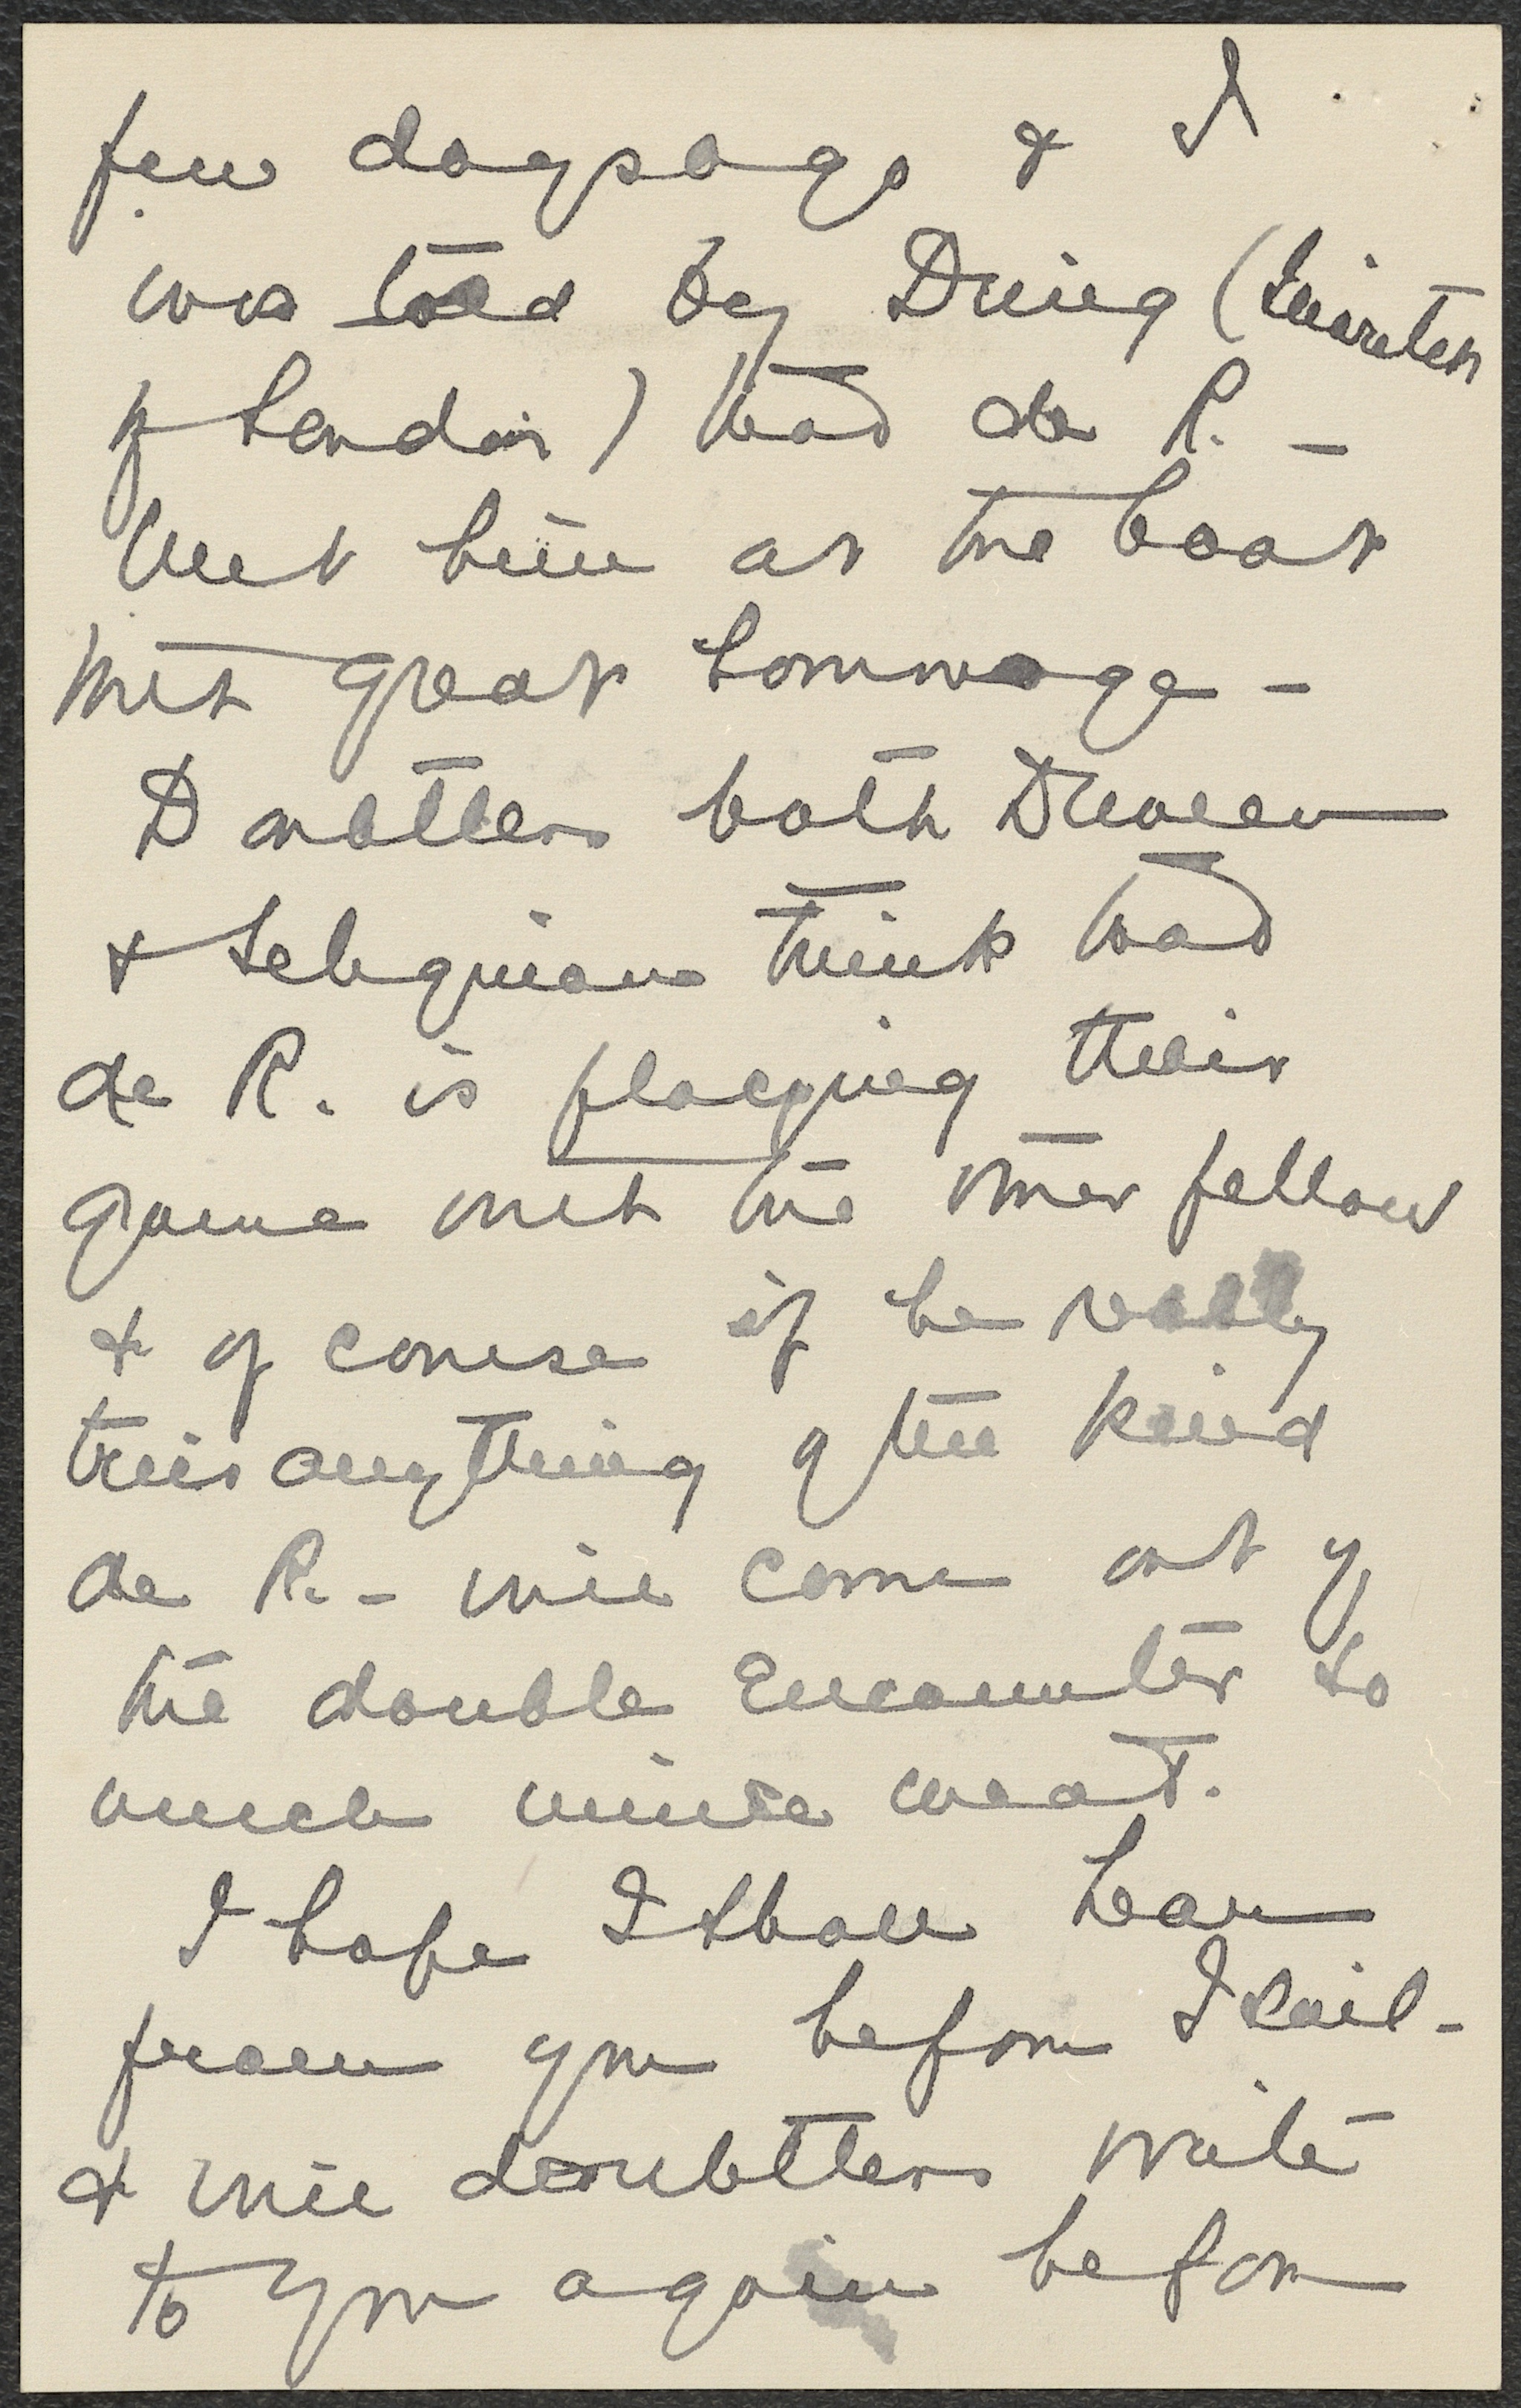few days ago & I was told by Dring (Quaritch of London) that de R.– met him at the boat with great hommage [sic] –
Doubtless both Duveen & Seligmann think that de R. is playing their game with the other fellow & of course if he really tries anything of the kind de R. – will come out of the double encounter so much mince meat.
I hope I shall hear from you before I sail – & will doubtless write to you again before